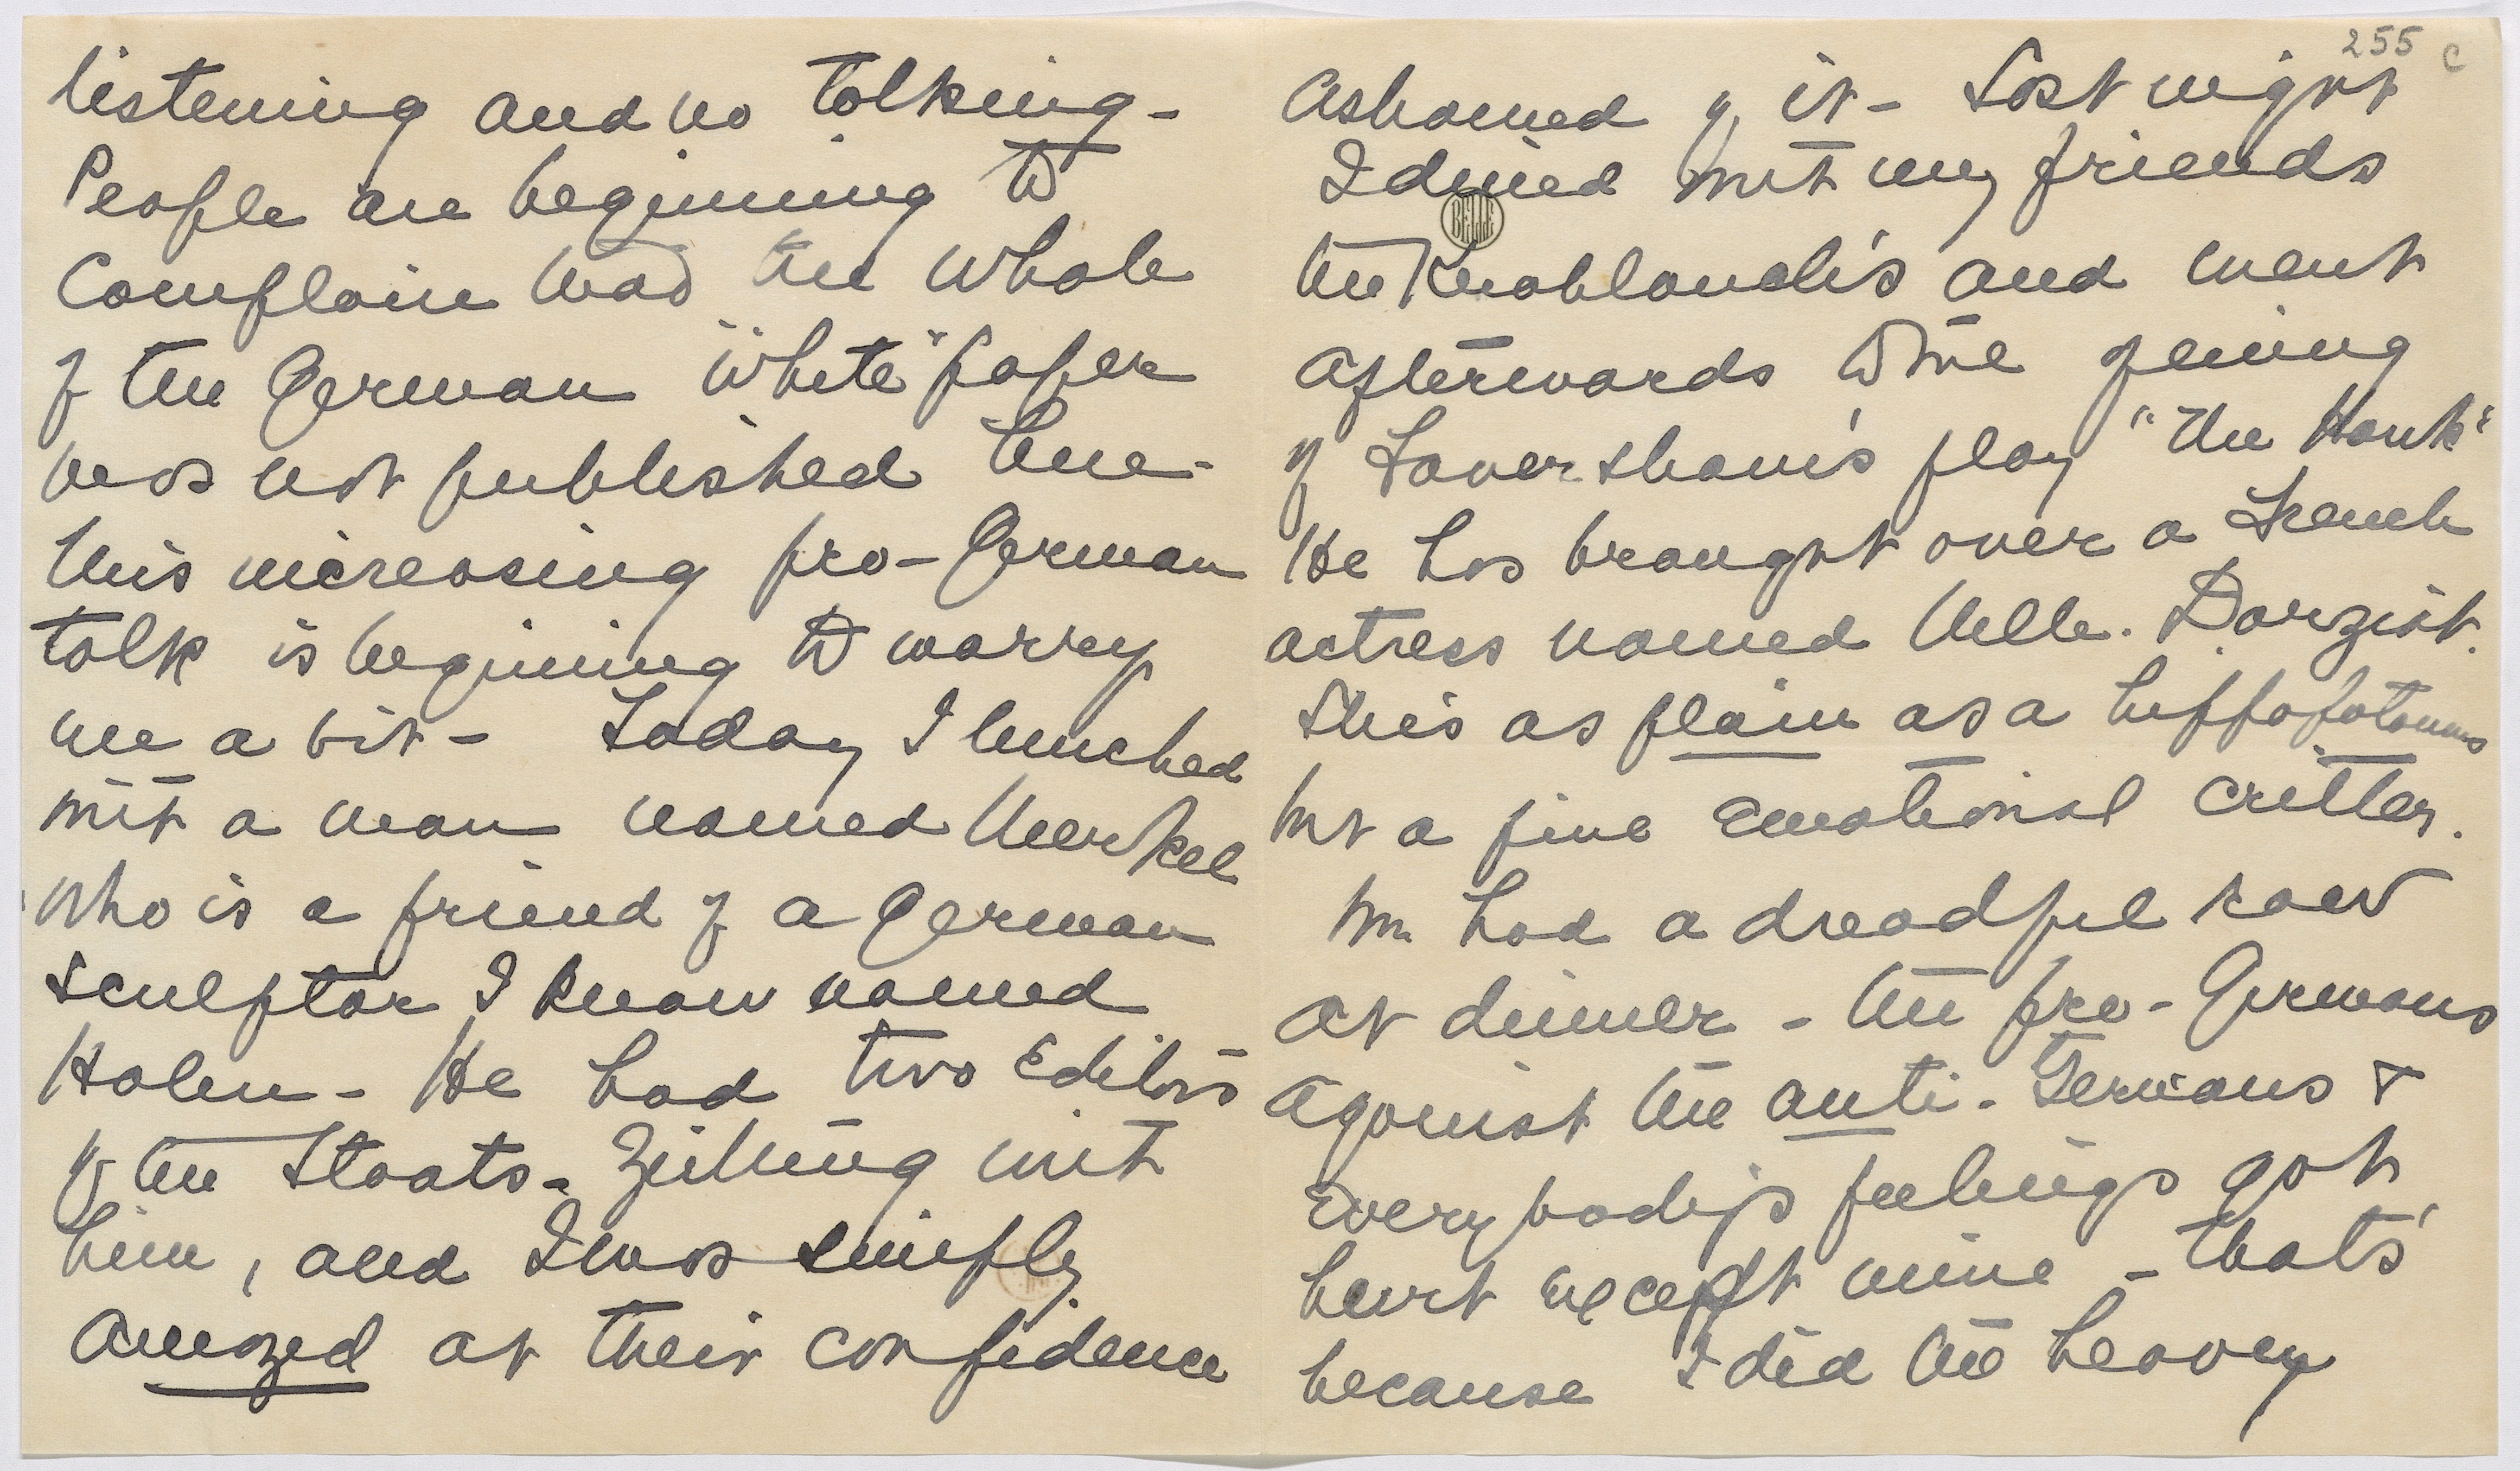ashamed of it – last night I dined with my friends the Knoblauch’s and went afterwards to the opening of Faversham’s play “The Hawk”
He has brought over a French actress named Mlle. Dorziat. She’s as plain as a hippopotamus but a fine emotional critter. We had a dreadful row at dinner – the pro-Germans against the anti-Germans & everybody’s feelings got hurt except mine – that’s because I did the heavy
listening and no talking –
People are beginning to complain that the whole of the German “white” paper was not published here – this increasing pro-German talk is beginning to worry me a bit – Today I lunched with a man named Merkel who is a friend of a German sculptor I know named Holen – He had two editors of the Staats-Zeitung with him, and I was simply amazed at their confidence